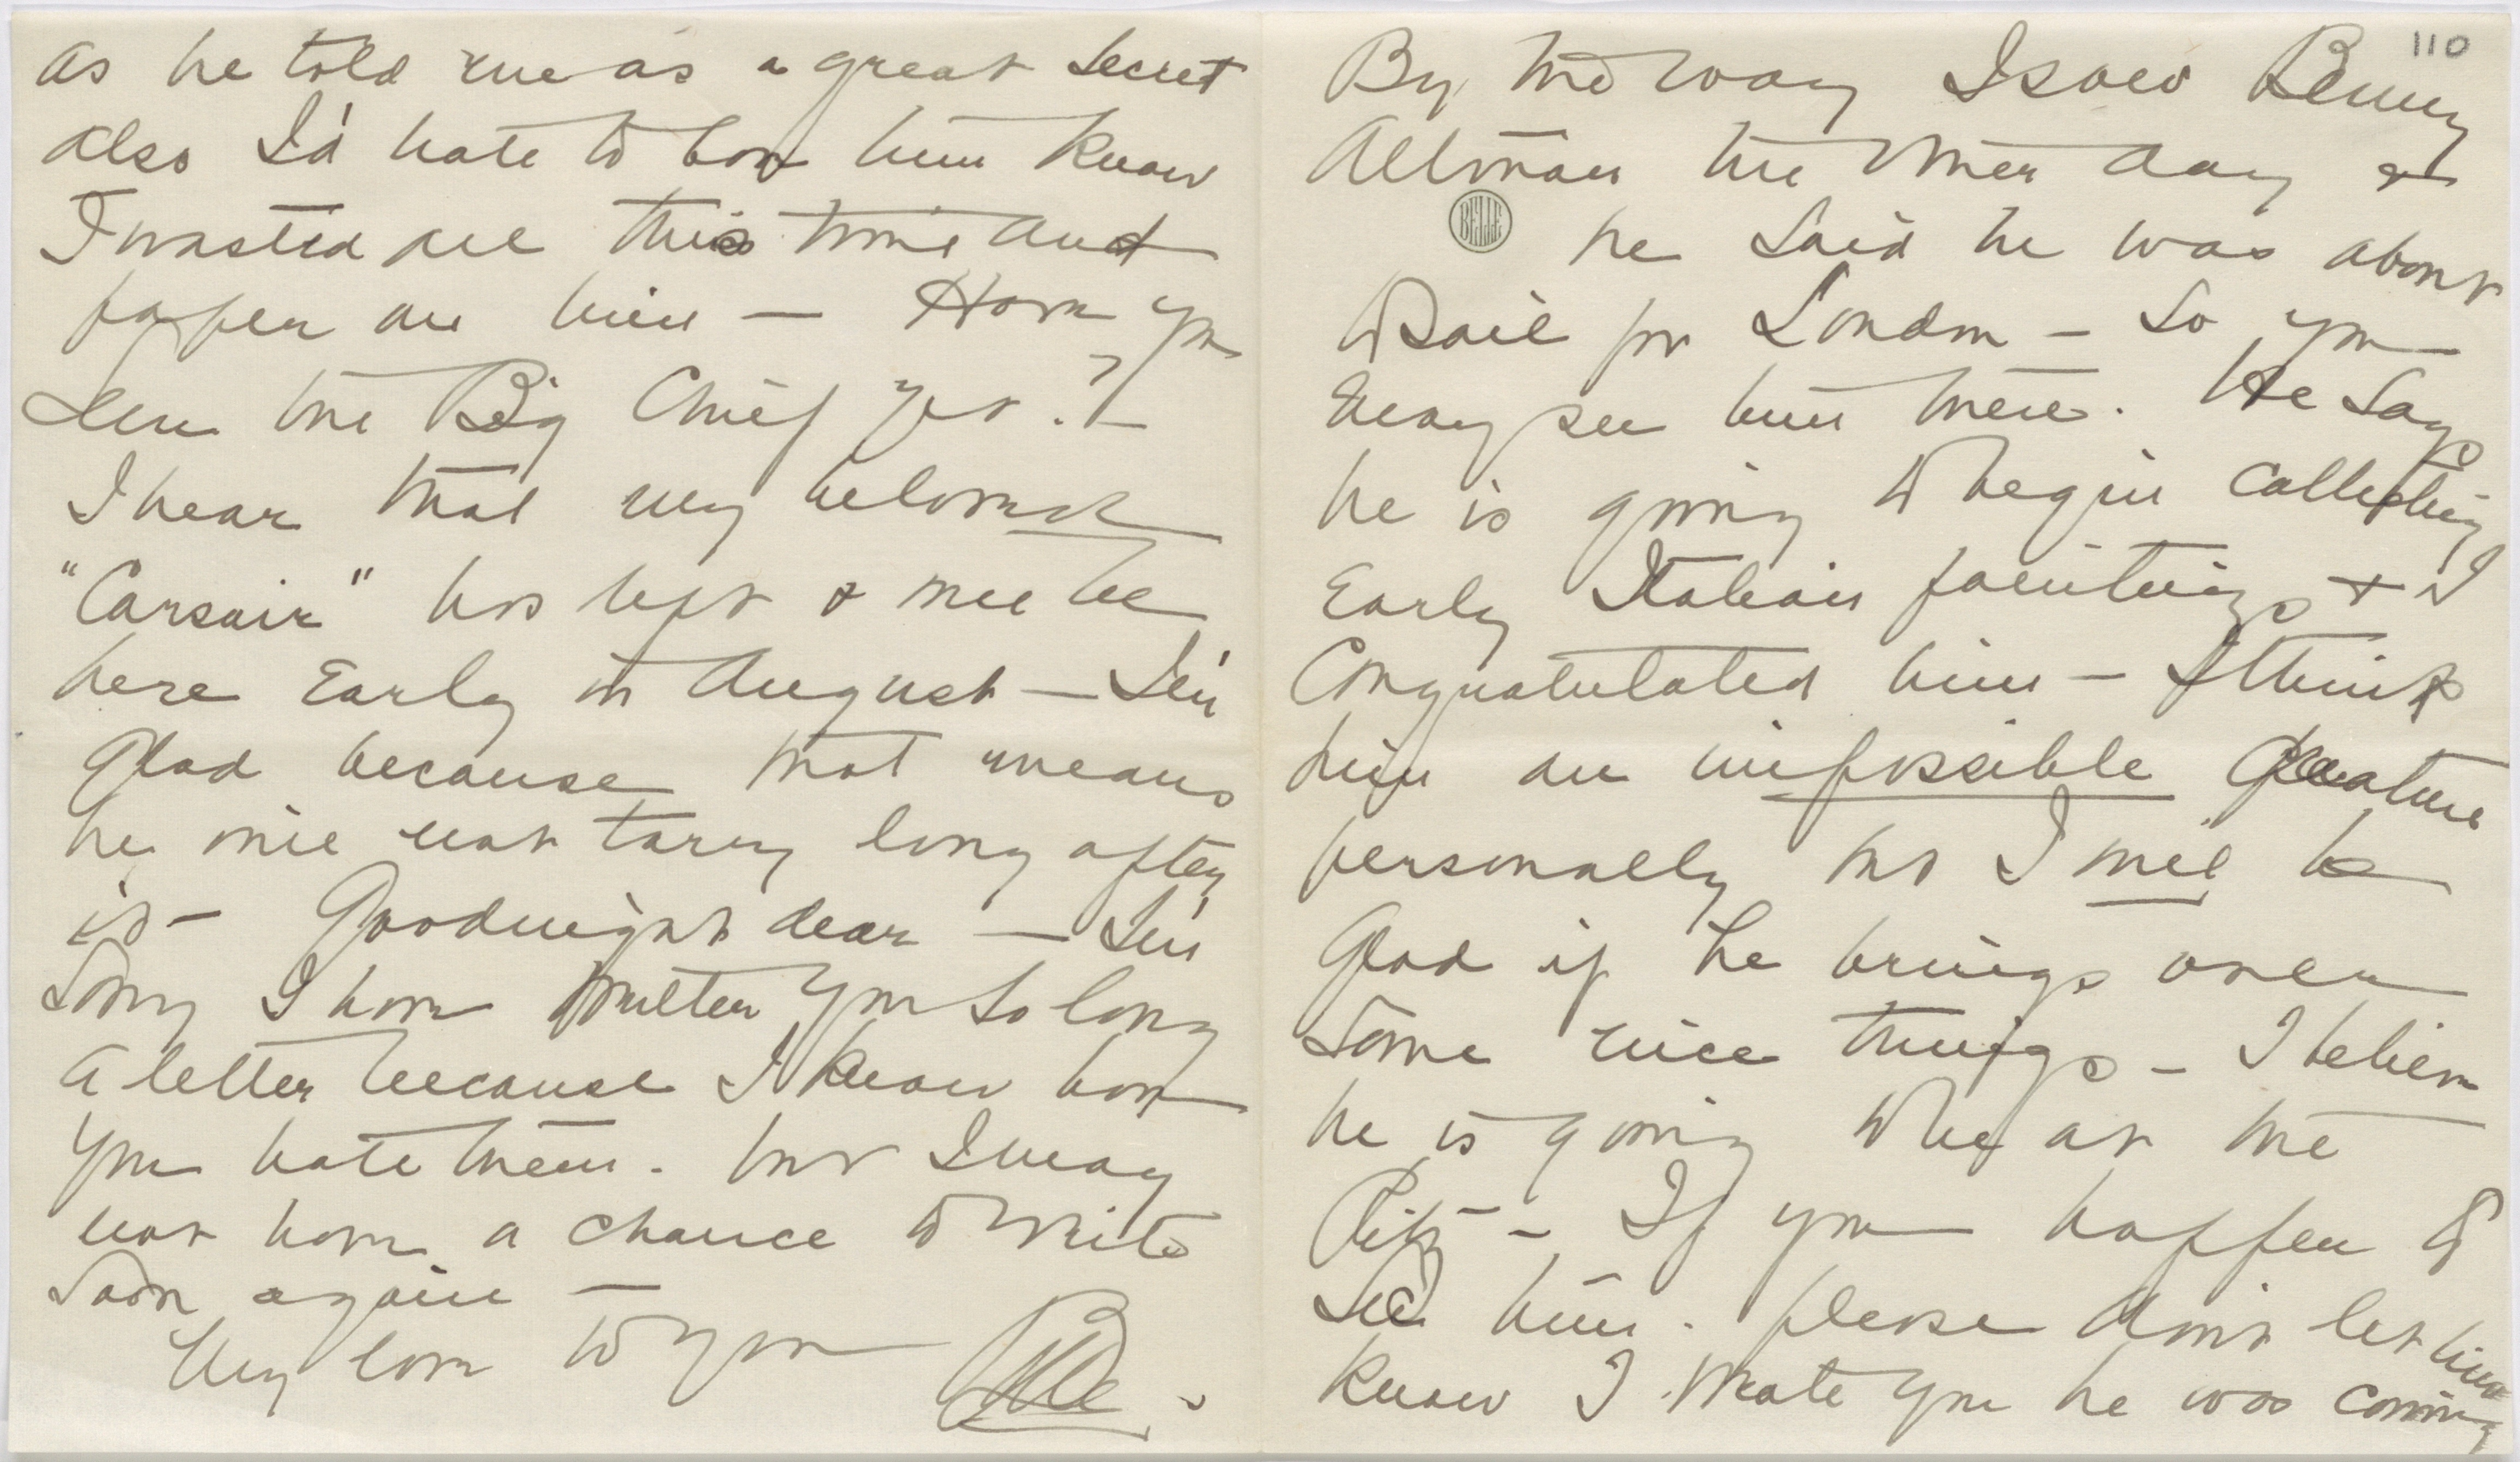By the way I saw Benny Altman the other day & he said he was about to sail for London – so you may see him there. He says he is going to begin collecting Early Italian paintings & I congratulated him – I think him an impossible creature personally but I will be glad if he brings over some nice things – I believe he is going to be at the Ritz – If you happen to see him, please don’t let him know I wrote you he was coming
as he told me as a great secret also I’d hate to have him know I wasted all this time and paper on him – Have you see the Big Chief yet? – I hear that my beloved “Corsair” has left & will be here early in August – I’m glad because that means he will not tarry long after it – Goodnight dear – I’m sorry I have written you so long a letter because I know how you hate them – but I may not have a chance to write soon again –
My love to you
Belle.